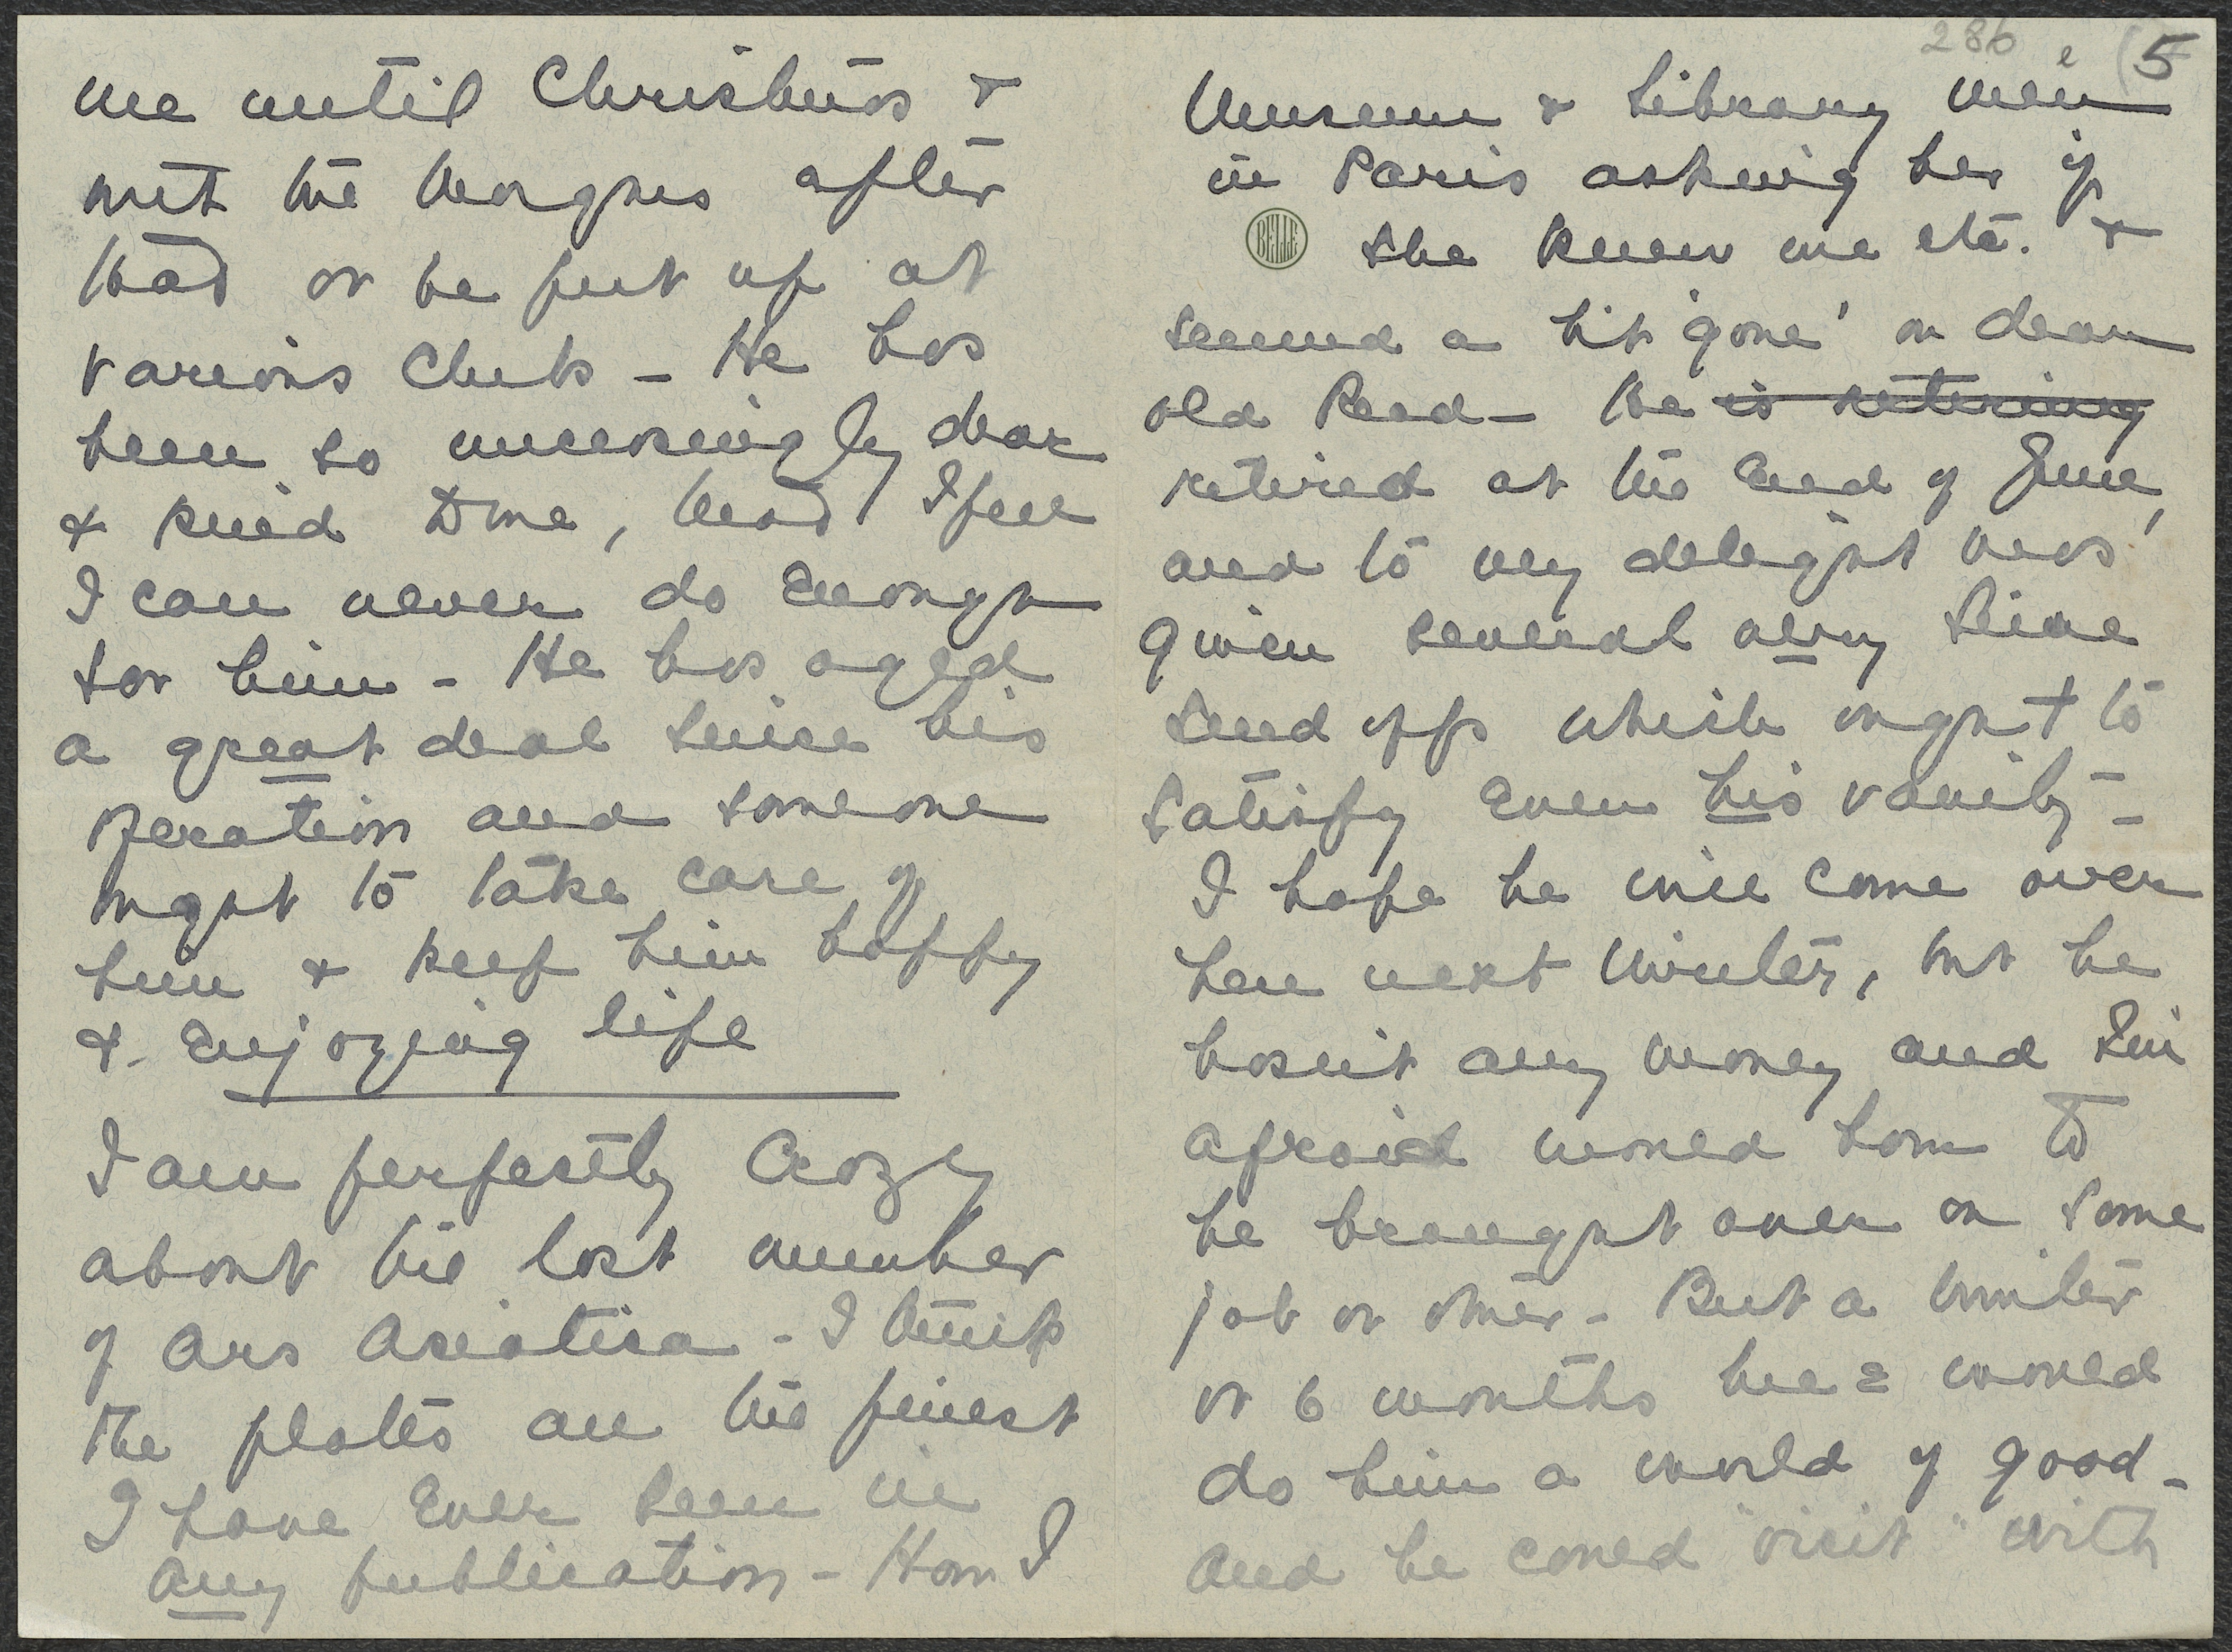Museum & Library men in Paris asking her if she knew me etc. & seemed a bit ‘gone’ on dear old Read – He is retiring retired at the end of June, and to my delight was given several very fine send offs which ought to satisfy even his vanity – I hope he will come over here next winter, but he hasn’t any money and I’m afraid would have to be brought over on some job or other – But a winter or 6 months here would do him a world of good – and he could “visit” with
me until Christmas & with the Morgans after that or be put up at various Clubs – He has been so unceasingly dear & kind to me, that I feel I can never do enough for him – He has aged a great deal since his operation and someone ought to take care of him & keep him happy & enjoying life
I am perfectly crazy about the last number of Ars Asiatica – I think the plates are the finest I have ever seen in any publication – How I